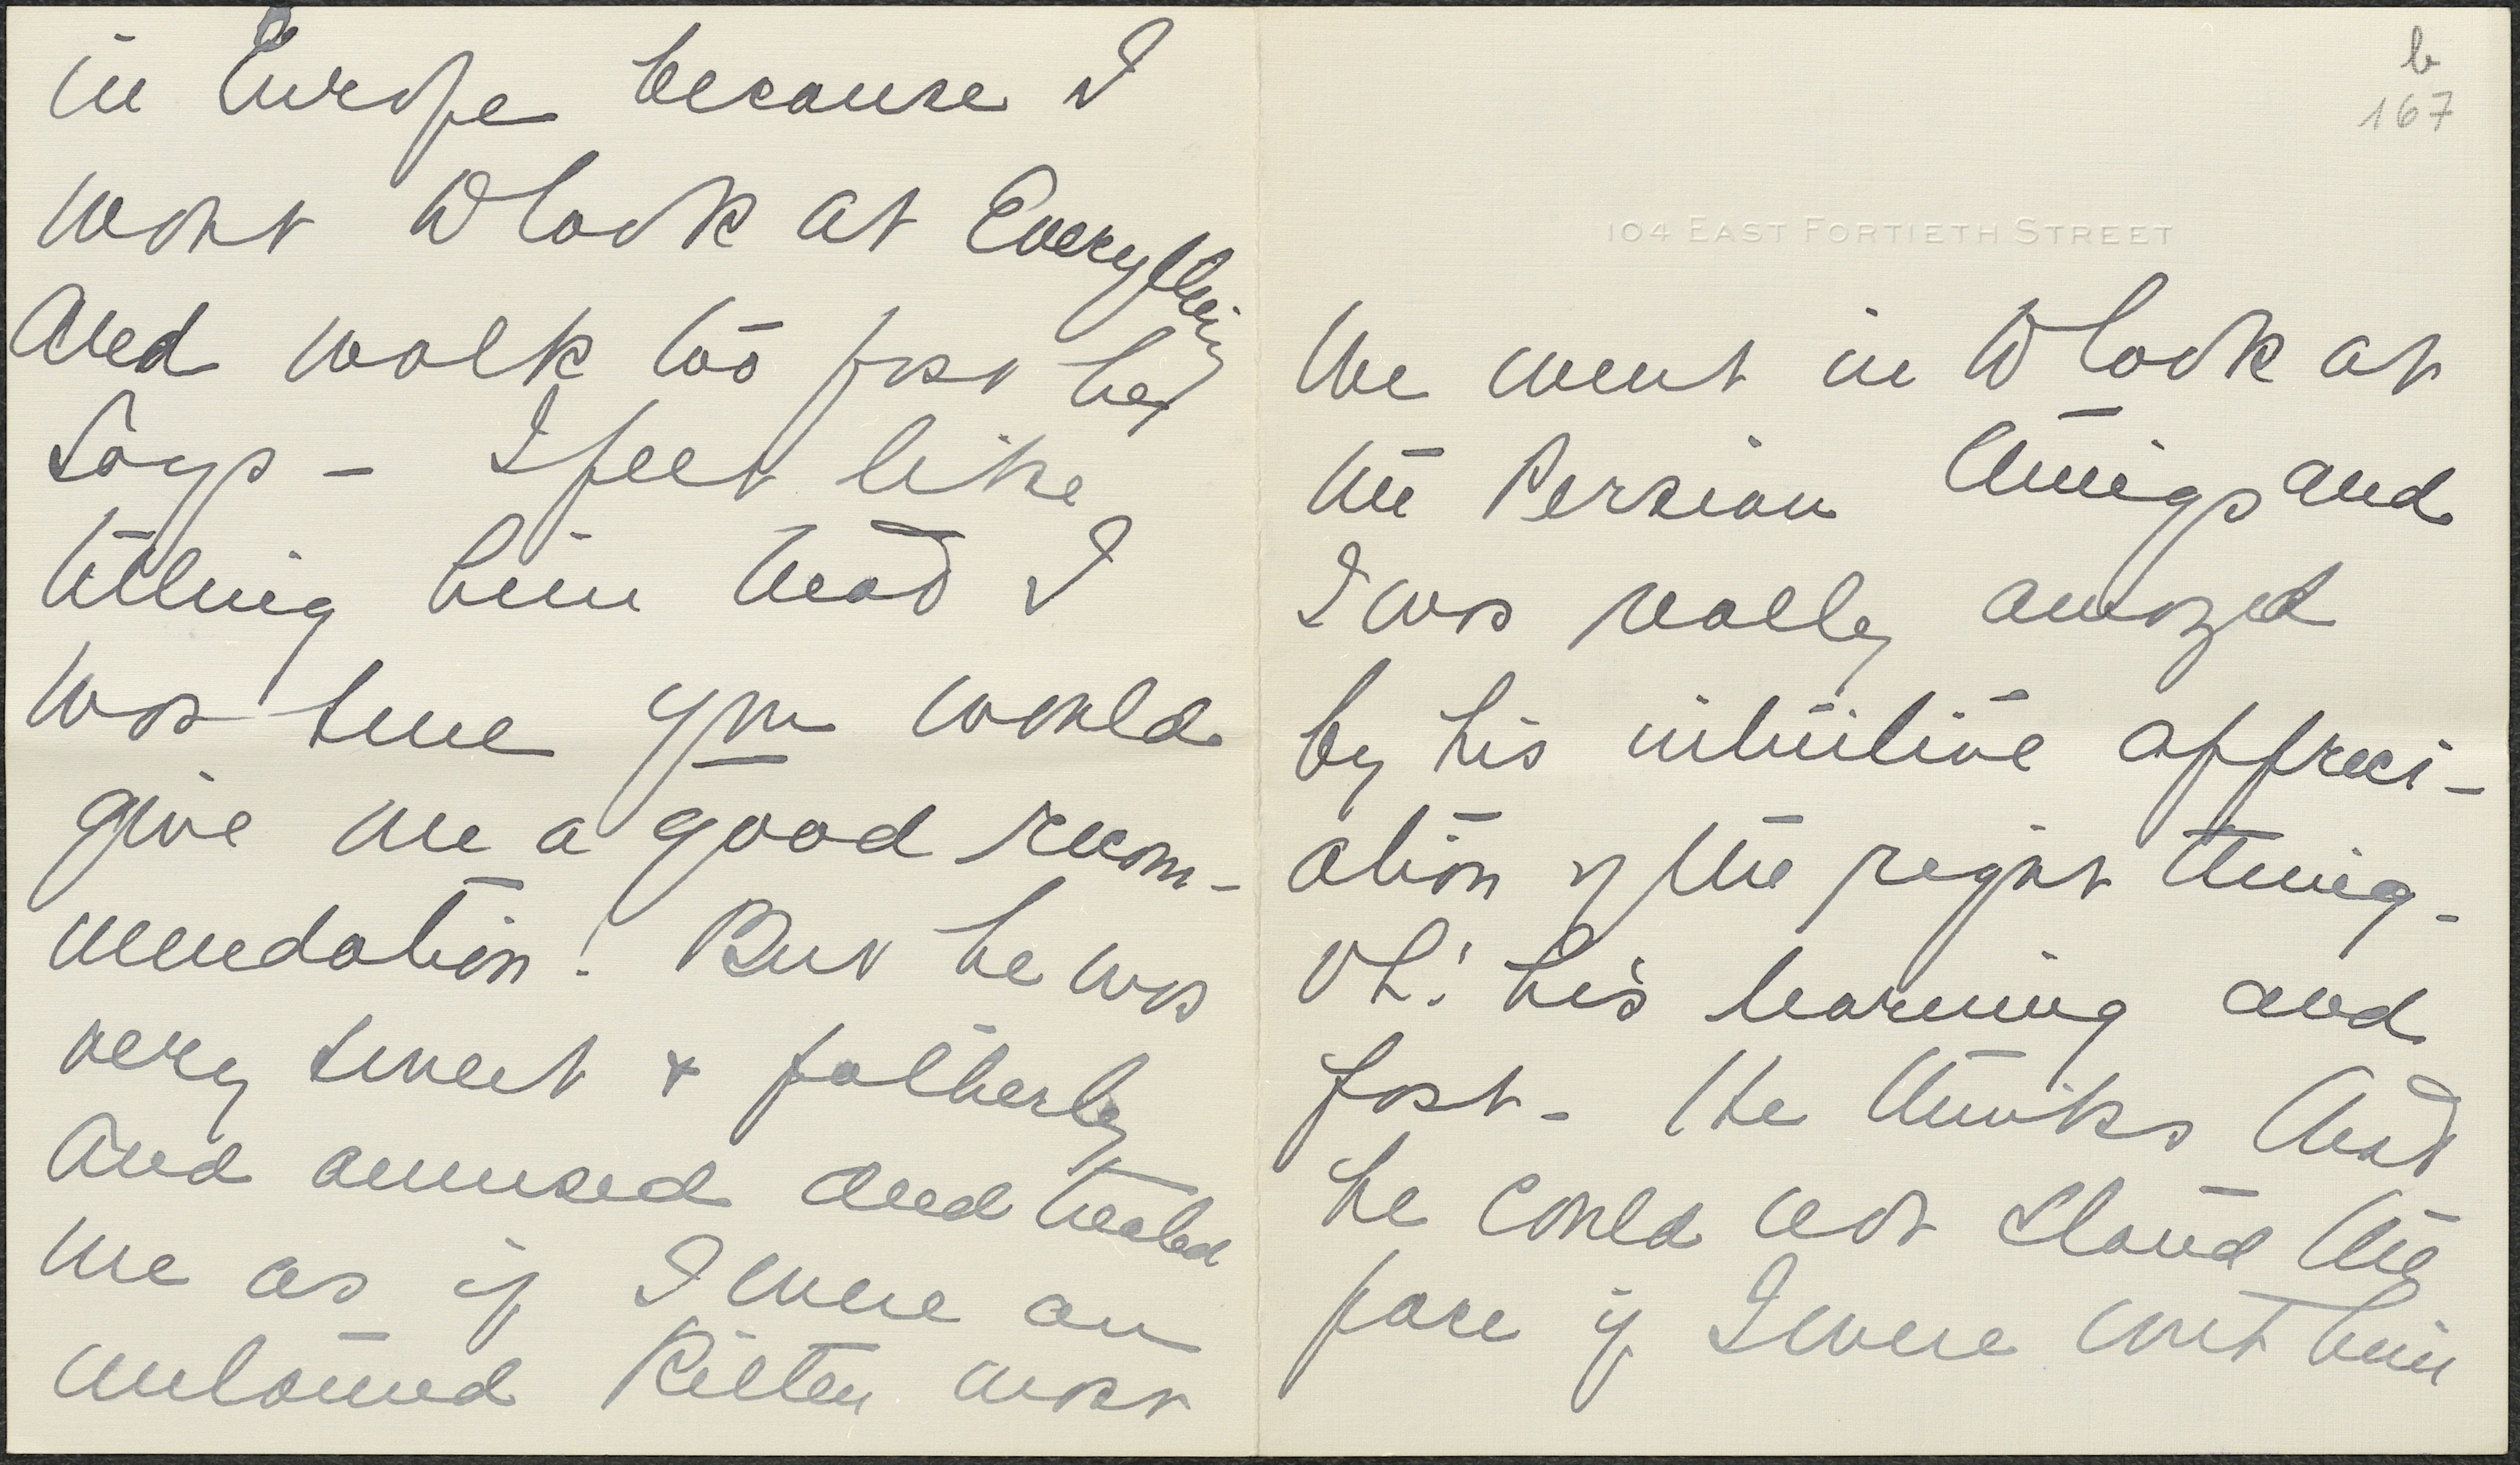we went in to look at the Persian things and I was really amazed by his intuitive appreciation of the right thing – oh! he’s learning and fast – He thinks that he could not stand the pace if I were with him
in Europe because I want to look at everything and walk too fast he says – I felt like telling him that I was sure you would give me a good recommendation! But he was very direct & fatherly and amused and treated me as if I were an untamed kitten most